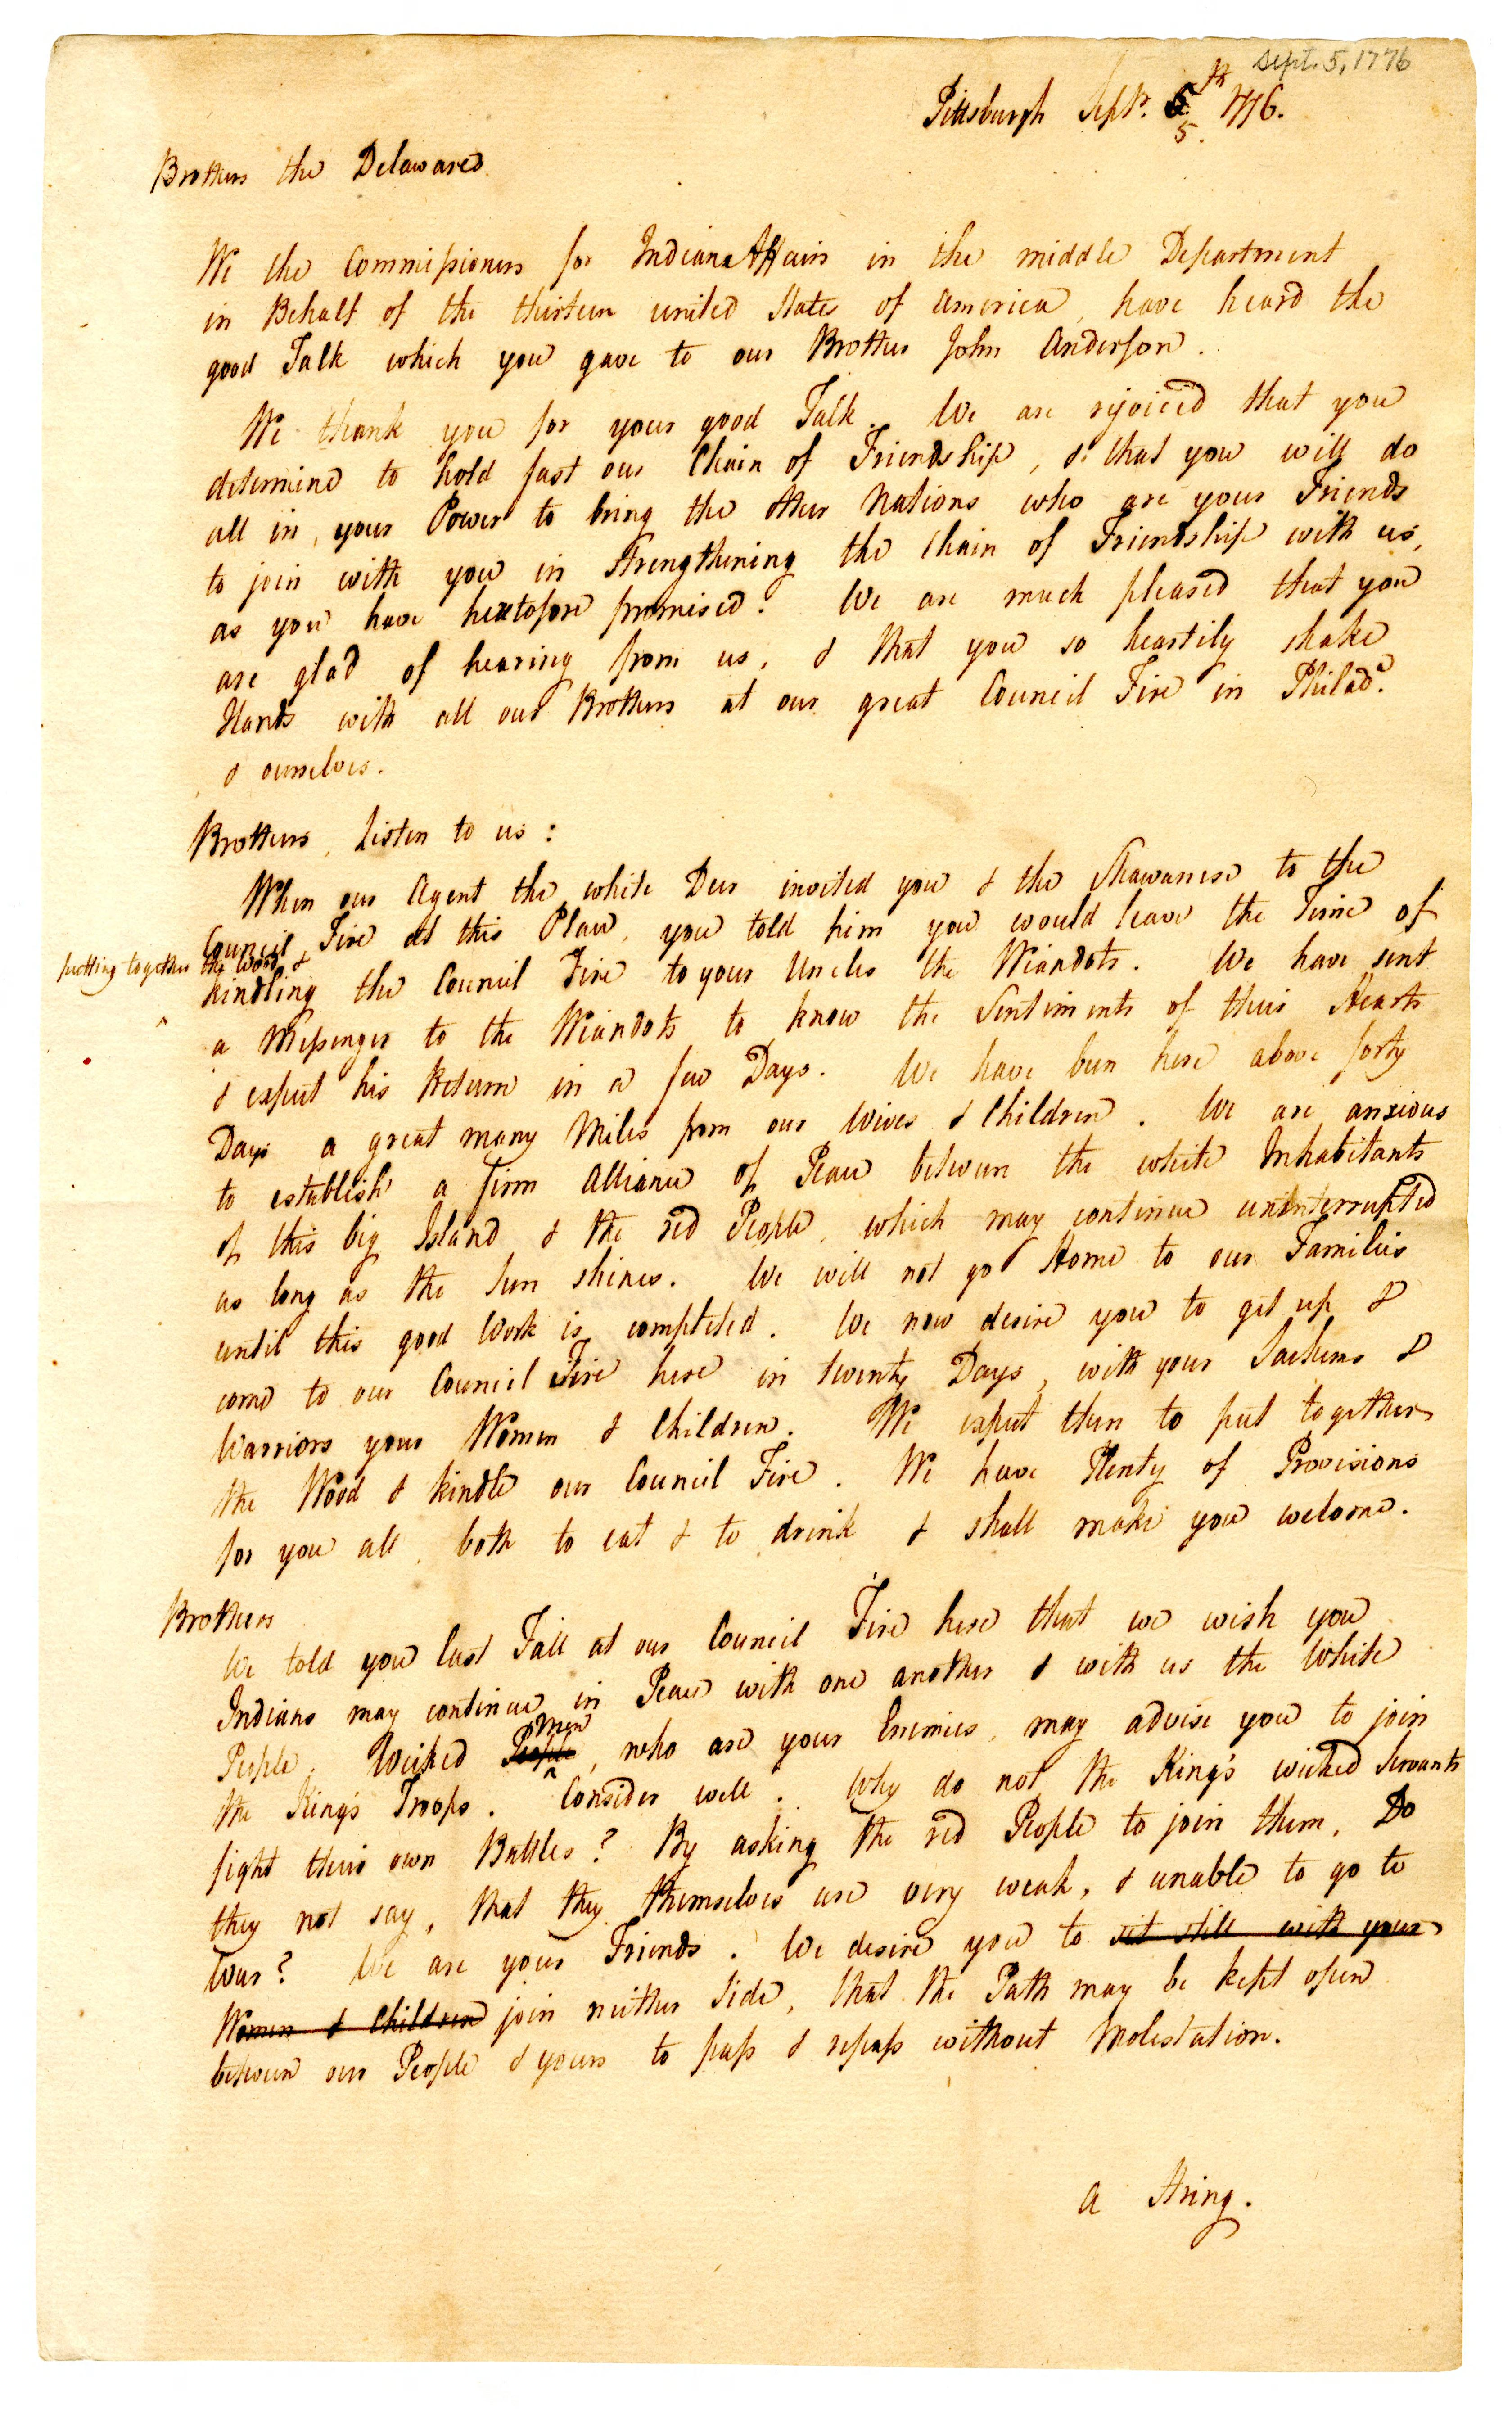Pittsburgh Sept^r. 5^th. 1776.
Brothers the Delawares
We the Commissioners for Indian Affairs in the Middle Department
in Behalf of the thirteen united States of America have heard the
good Talk which you gave to our Brother John Anderson.
We thank you for your good Talk. We are rejoiced that you
determine to hold fast our Chain of Friendship, & that you will do
all in your Power to bring the other Nations who are your Friends
to join with you in Strengthening the Chain of Friendship with us
as you have heretofore promised. We are much pleased that you
are glad of hearing from us, & that you so heartily shake
Hands with all our Brothers at our great Council Fire in Philad^a.
& ourselves.
Brothers, Listen to us:
When our Agent the white Deer invited you & the Shawanese to the
putting together the word &
Council Fire at this Place, you told him you would leave the Time of
^ kindling the Council Fire to your Uncles the Wiandots. We have sent
a Messenger to the Wiandots to know the Sentiments of their Hearts
& expect his Return in a few Days. We have been here above forty
Days a great many miles from our Wives & Children. We are anxious
to establish a firm Alliance of Peace between the white Inhabitants
of this big Island & the red People which may continue uninterrupted
as long as the sun shines. We will not go Home to our Families
until this good work is completed. We now desire you to get up &
come to our Council Fire here in twenty Days, with your Sachums &
Warriors your Women & Children. We expect then to put together
the Wood & kindle our Council Fire. We have Plenty of Provisions
for you all both to eat & to drink & shall make you welcome.
Brothers
We told you last Fall at or Council Fire here that we wish you
Indians may continue in Peace with one another & with us the White
men
People. Wicked People ^ who are your Enemies my advise you to join
the King's Troops. Consider well. Why do not the King's wicked Servants
fight their own Battles? By asking the red People to join them, Do
they not say, that they themselves are very weak, & unable to go to
war? We are your Friends. We desire you to sit still with your
Women & Children join neither side, that the Path may be kept open
between our People & yours to pass & repass without Molestation.
a String.